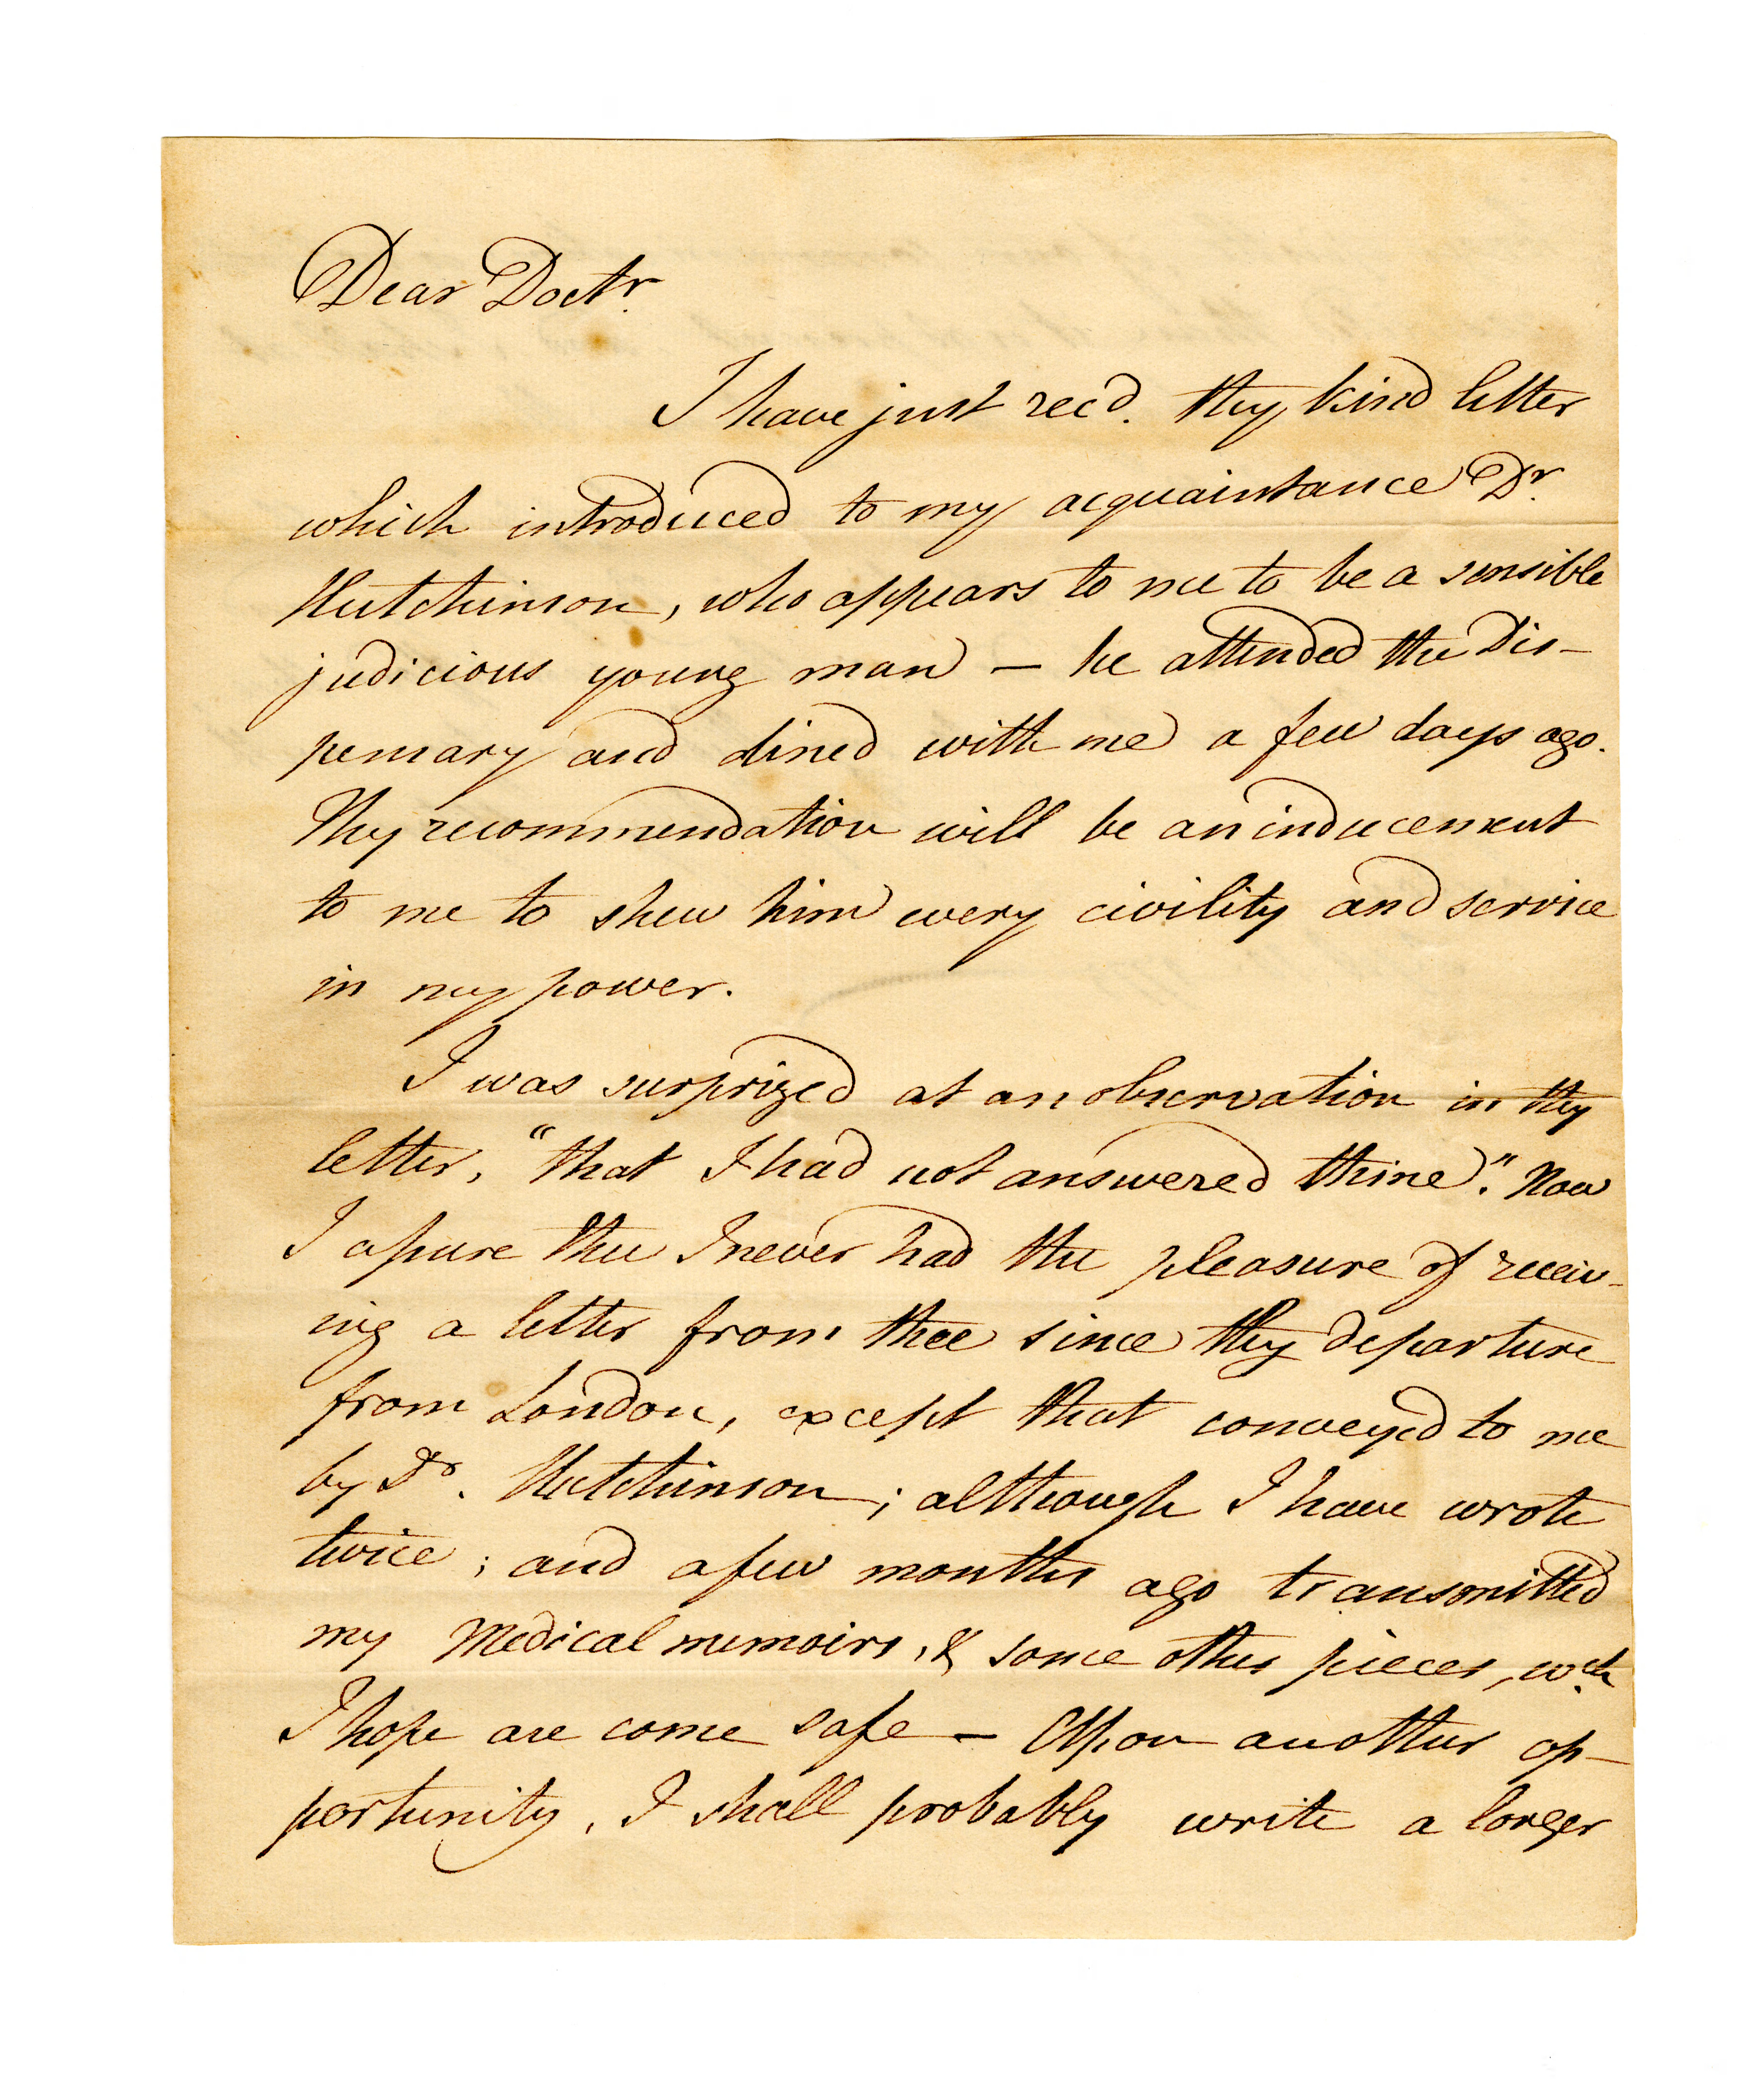Dear Doct^r.
I have just recd. thy kind letter
which introduced to my acquaintance D^r.
Hutchinson, who appears to me to be a sensible
judicious young man- he attended the Dis-
pensary and dined with me a few days ago.
My recommendation will be an inducement
to me to shew him every civility and service
in my power.
I was surprized at an observation in thy
letter, "that I had not answered thine." Now
I assure thee I never had the pleasure of receiv-
ing a letter from thee since thy departure
from London, except that conveyed to me
by D^r. Hutchinson; although I have wrote
twice; and a few months ago transmitted
my medical memoirs, & some other pieces, w^ch.
I hope are come safe- Upon another op-
portunity, I shall probably write a longer